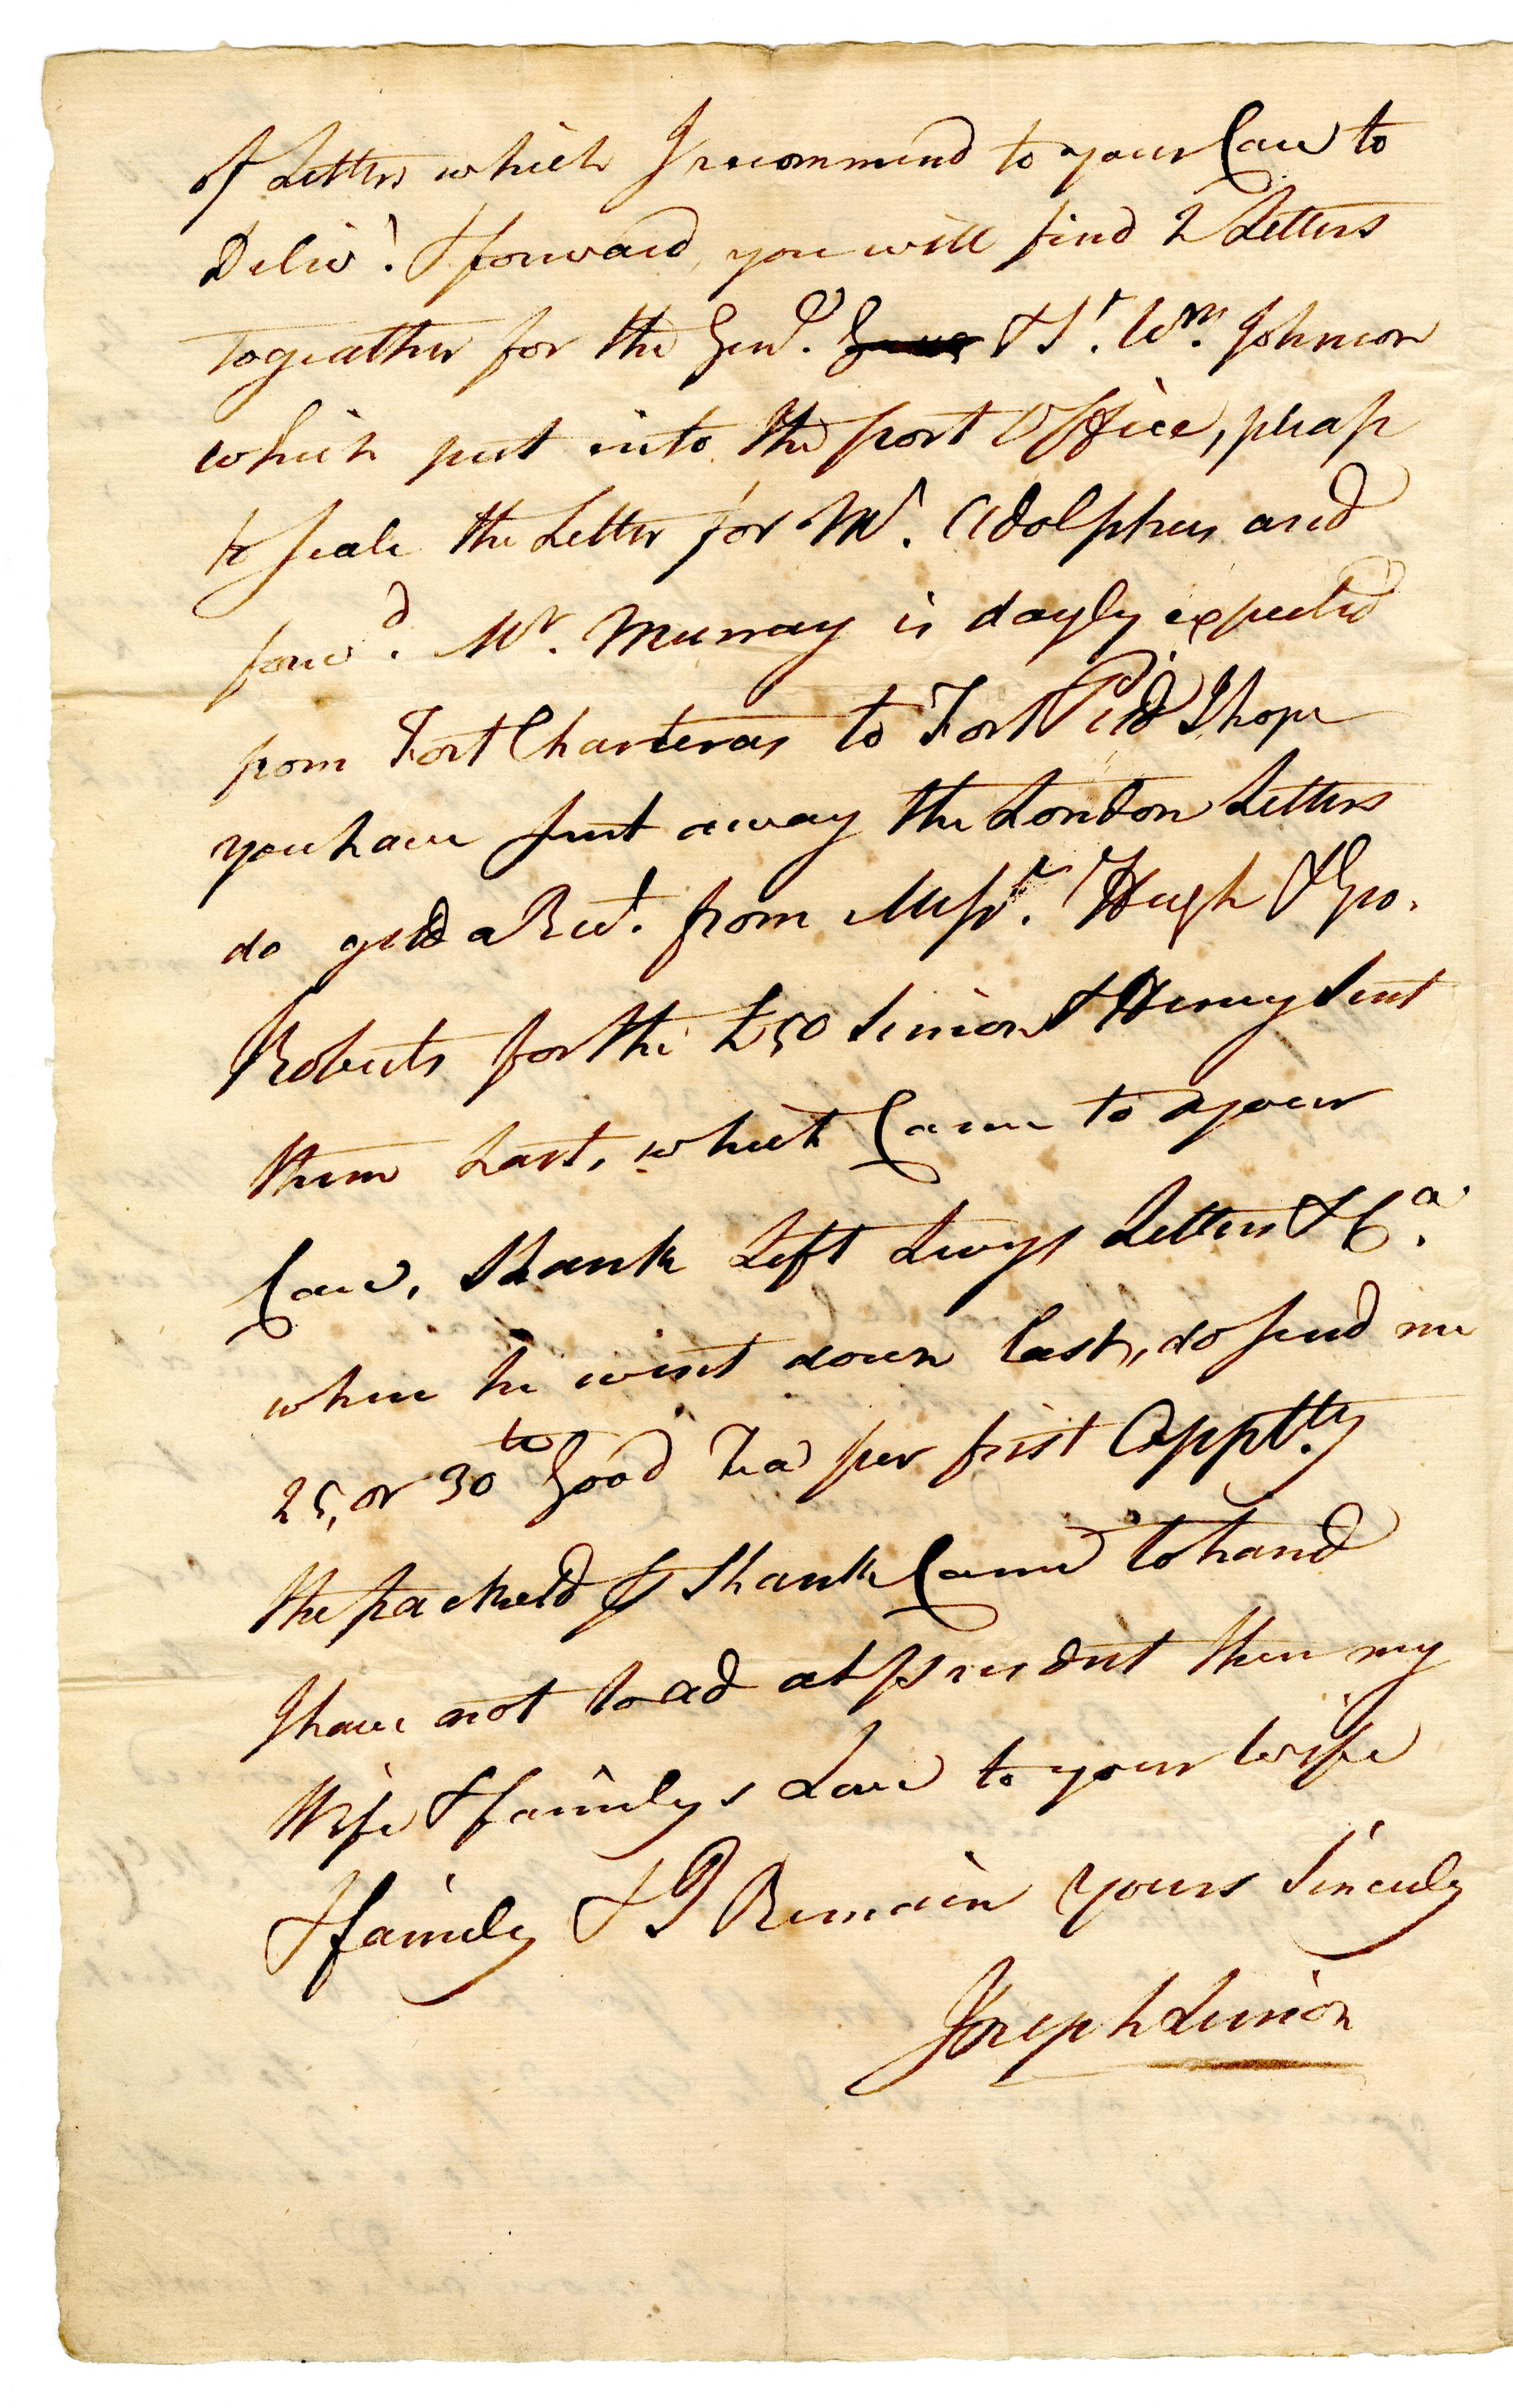of Letters which I recommend to your Care to
Deliv^r. & forward, you will find 2 Letters
Togather for the Gen^l. [___] & 1^st. Co^nl Johnson
which put into the post office, please
to seale the Letter for M^r. Adolphus and
favor^d. M^r Murray is dayly expected
from Fort Charteros to Fort Pitd I hope
you have sent away the London Letters
do getd a Rec^t. from Mess^rs. Hugh & Geo.
Roberts for the £50 lineon & Money sent
them Last, which Came to your
Care, Shank Left Levys Letter &C^a.
where he went down last, so send me
25 or 30 ^lb good ha per first Opp^ty.
the packetd per Shank Came to hand
I have not had at present them my
wife & familys Love to your wife
& family & I Remain yours Sincerly
Joseph Simon